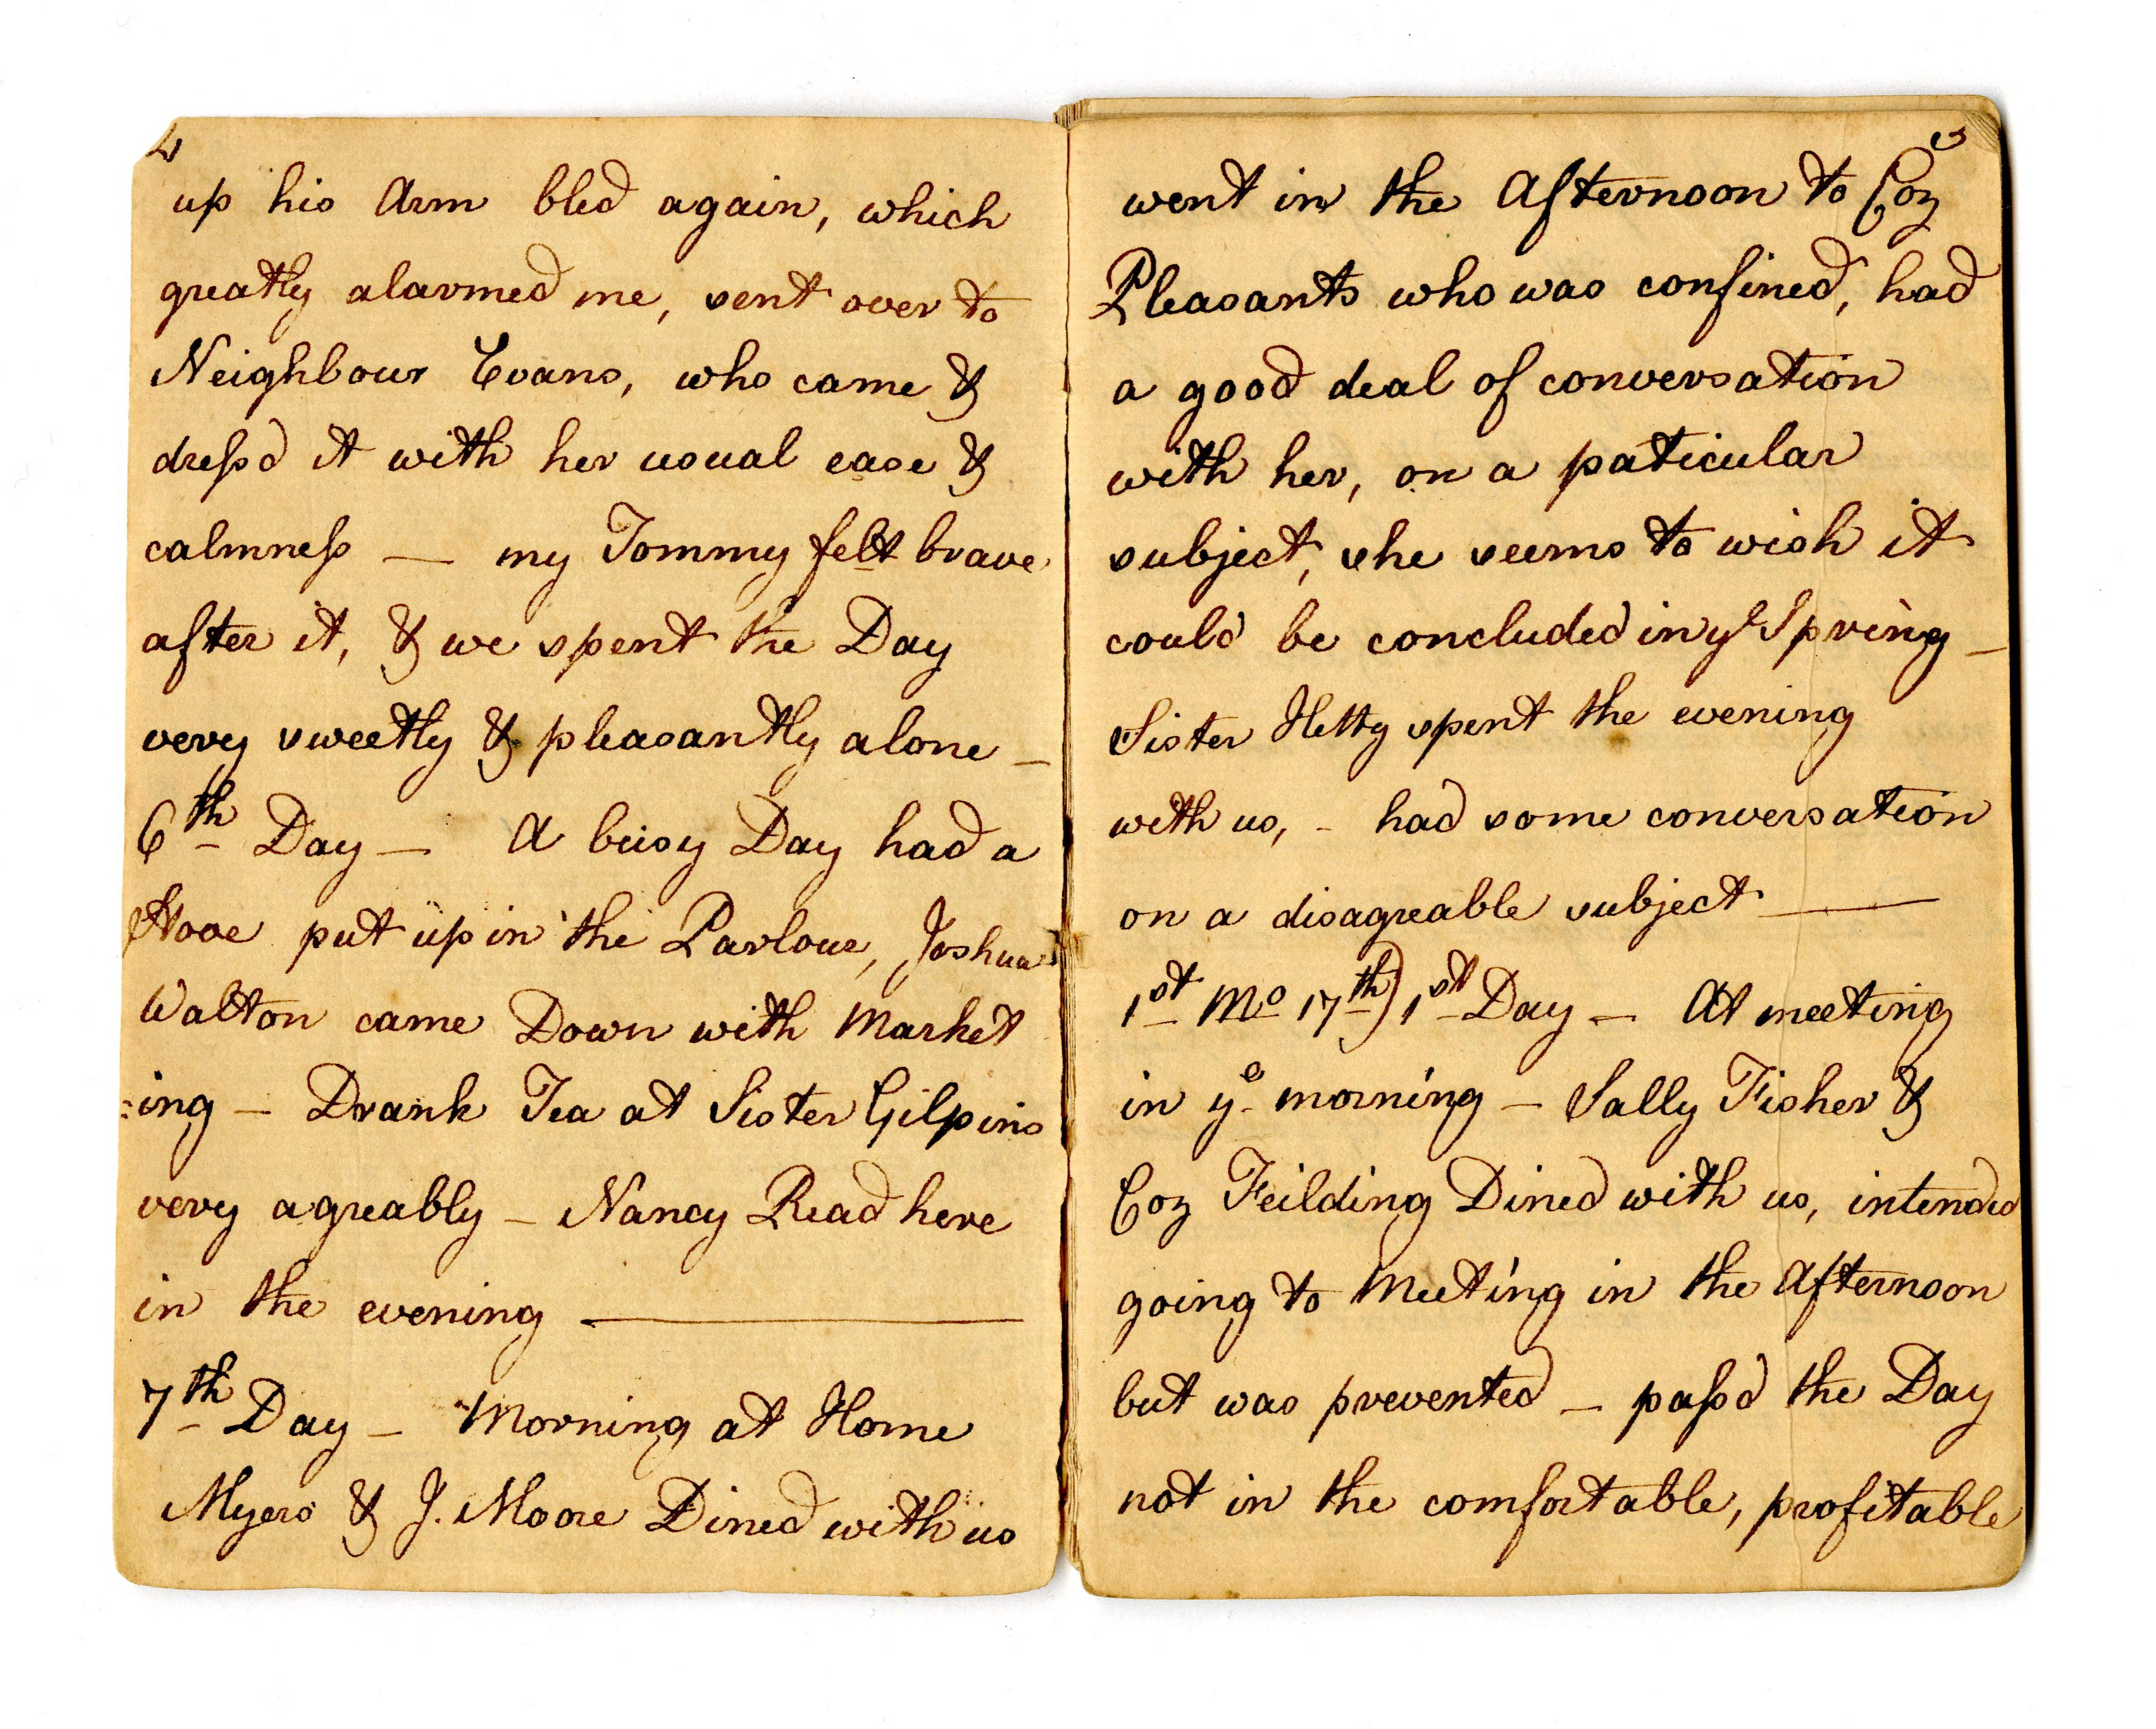4
up his Arm bled again, which
greatly alarmed me, sent over to
Neighbour Evans, who came &
dressd it with her usual ease &
calmness- my Tommy felt brave
after it, & we spent the Day
very sweetly & pleasantly alone-
6^th Day- A busy Day had a
Stove put up in the Parlour, Joshua
Walton came Down with Market
-ing- Drank Tea at Sister Gilpins
very agreably- Nancy Read here
in the evening
7^th Day- Morning at Home
Myers & J. Moore Dined with us
5
went in the Afternoon to Coz
Pleasants who was confined, had
a good deal of conversation
with her, on a paticular
subject, she seems to wish it
could be concluded in y^e Spring-
Sister Hetty spent the evening
with us,- had some conversation
on a disagreable subject-
1^st M^o 17^th) 1^st Day- At meeting
in y^e morning- Sally Fisher &
Coz Feilding Dined with us, intended
going to Meeting in the Afternoon
but was prevented- passd the Day
not in the comfortable, profitable